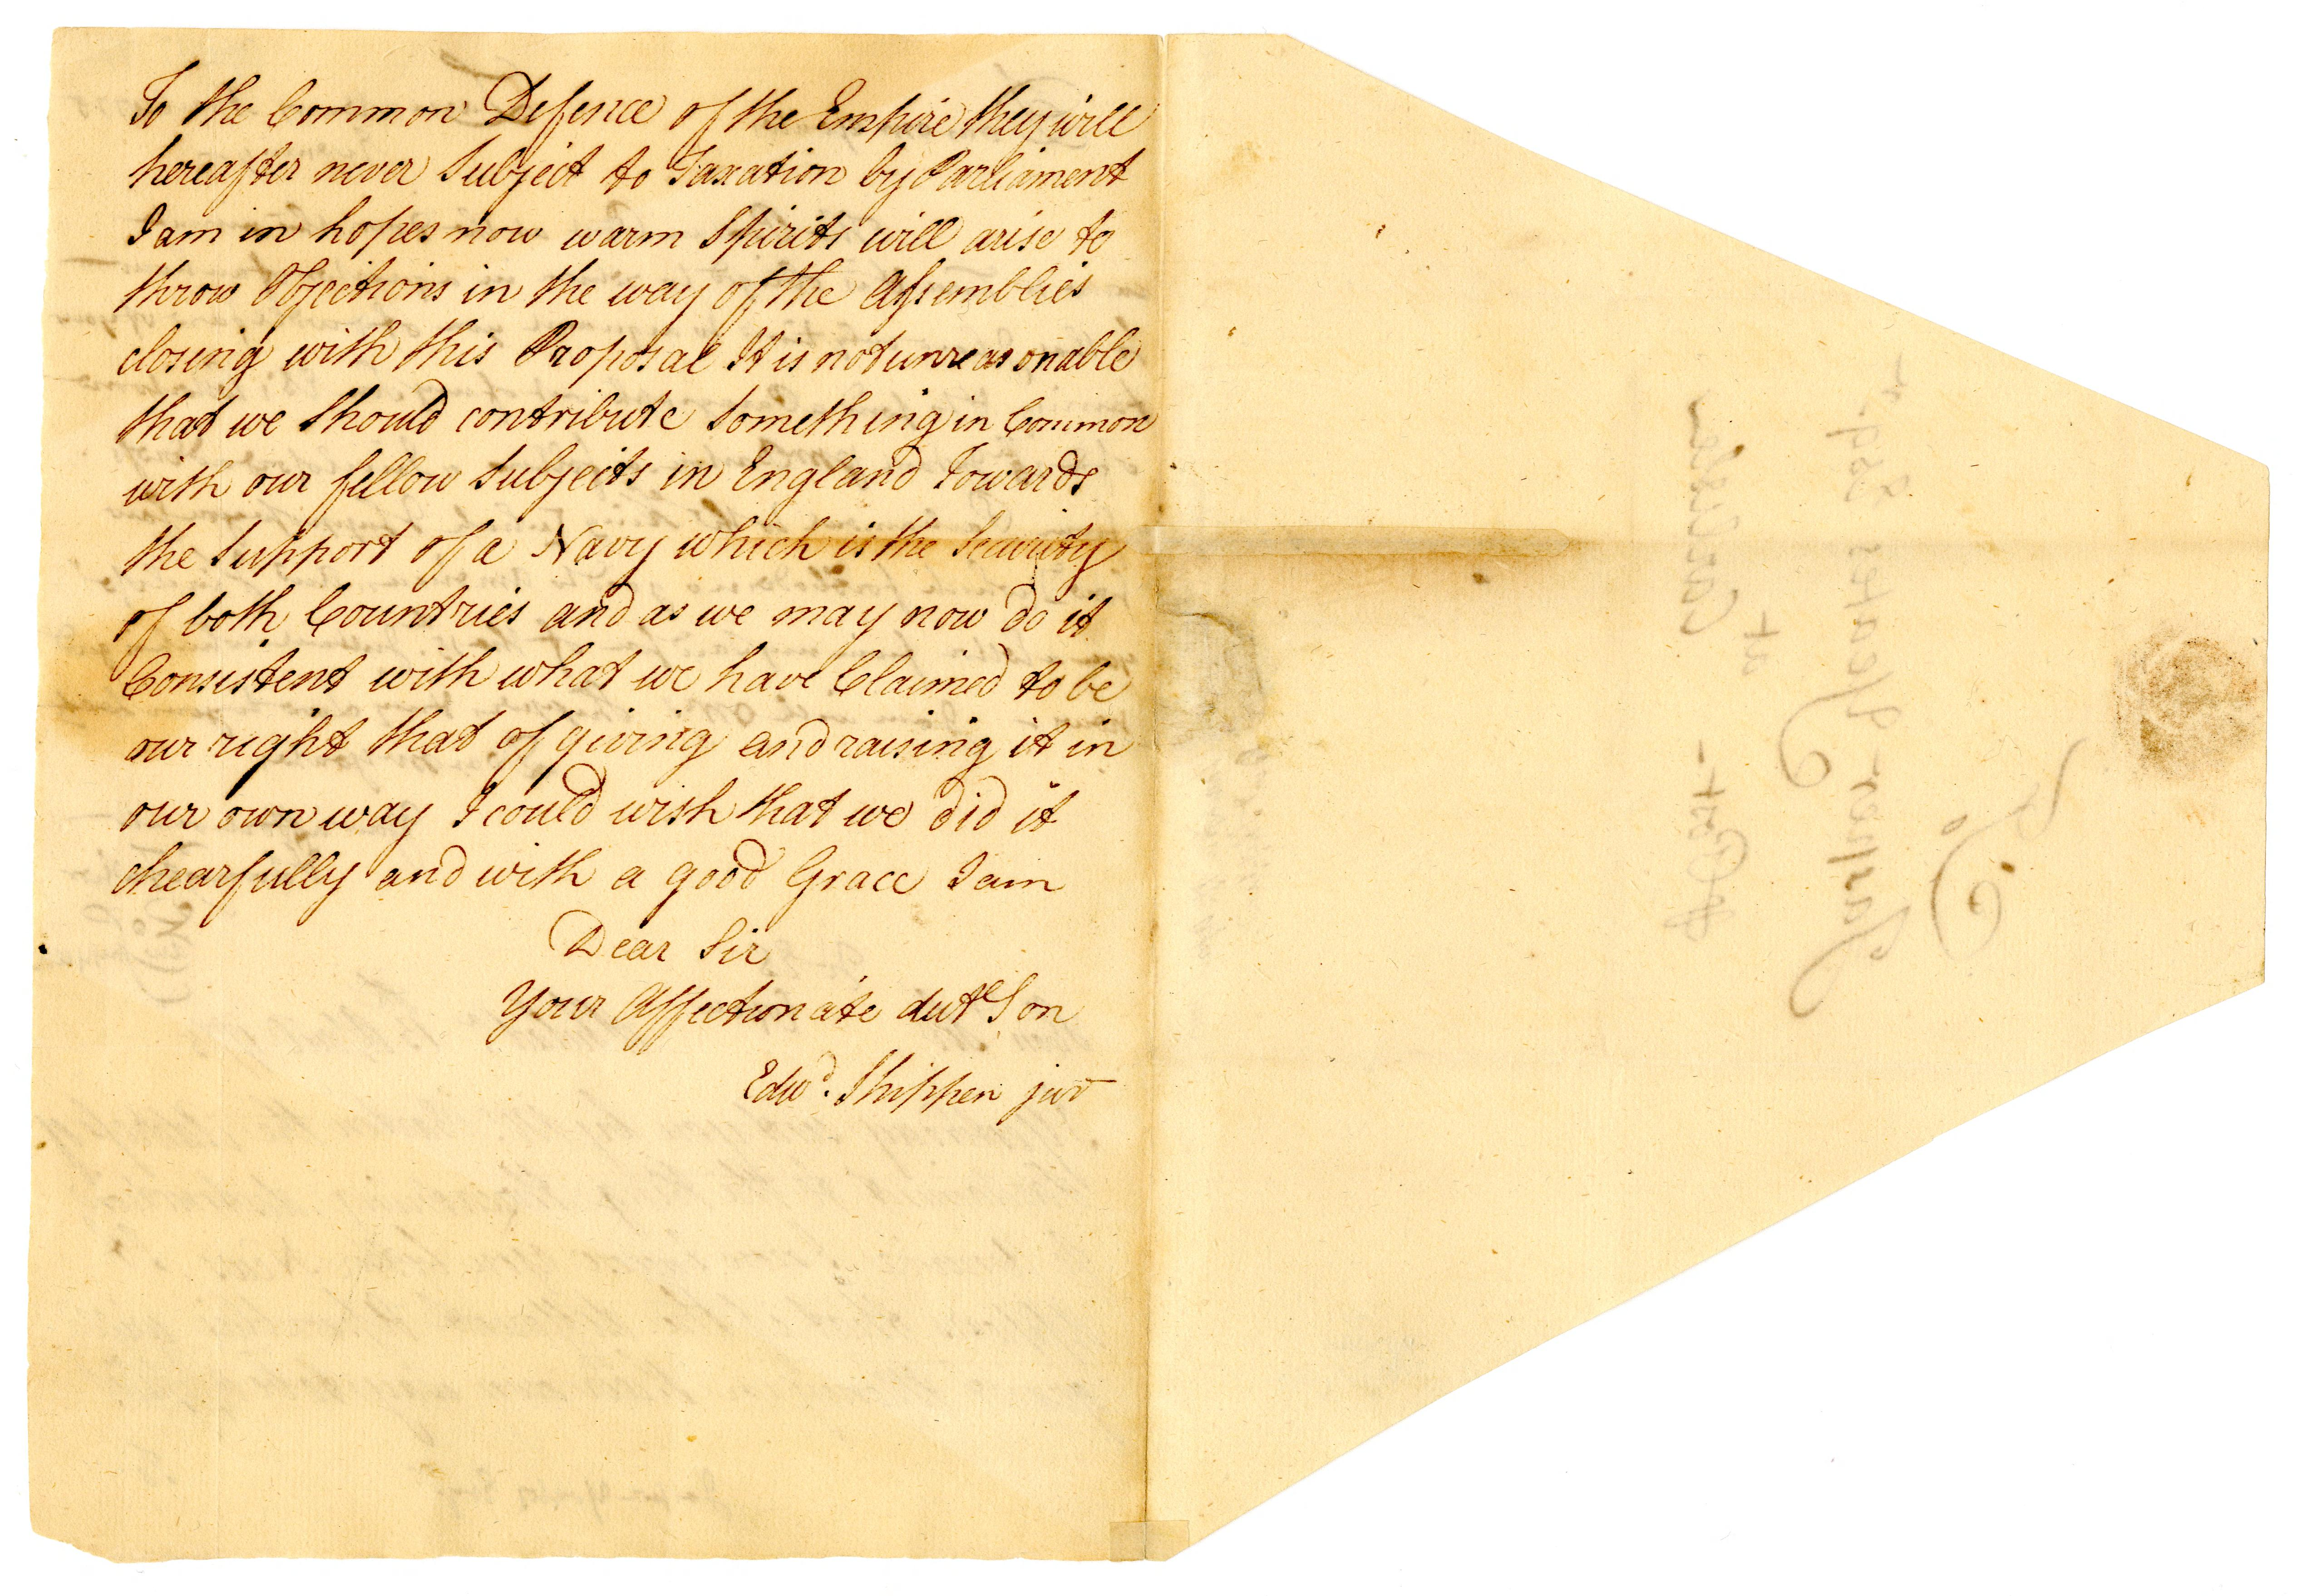To the Common Defence of the Empire they will
hereafter never subject to Taxation by Parliament
I am in hopes now warm spirits will arise to
throw Objections in the way of the assemblies
closing with this Proposal It is not unreasonable
that we should contribute something in Common
with our fellow subjects in England towards
the support of a Navy which is the beauty
of both Countries and as we may now do it
Consistent with what we have Claimed to be
our right that of giving and raising it in
our own way I could wish that we did it
chearfully and with a good Grace I am
Dear Sir
Your Affectionate dut^l Son
Edw^d. Shippen jun^r.